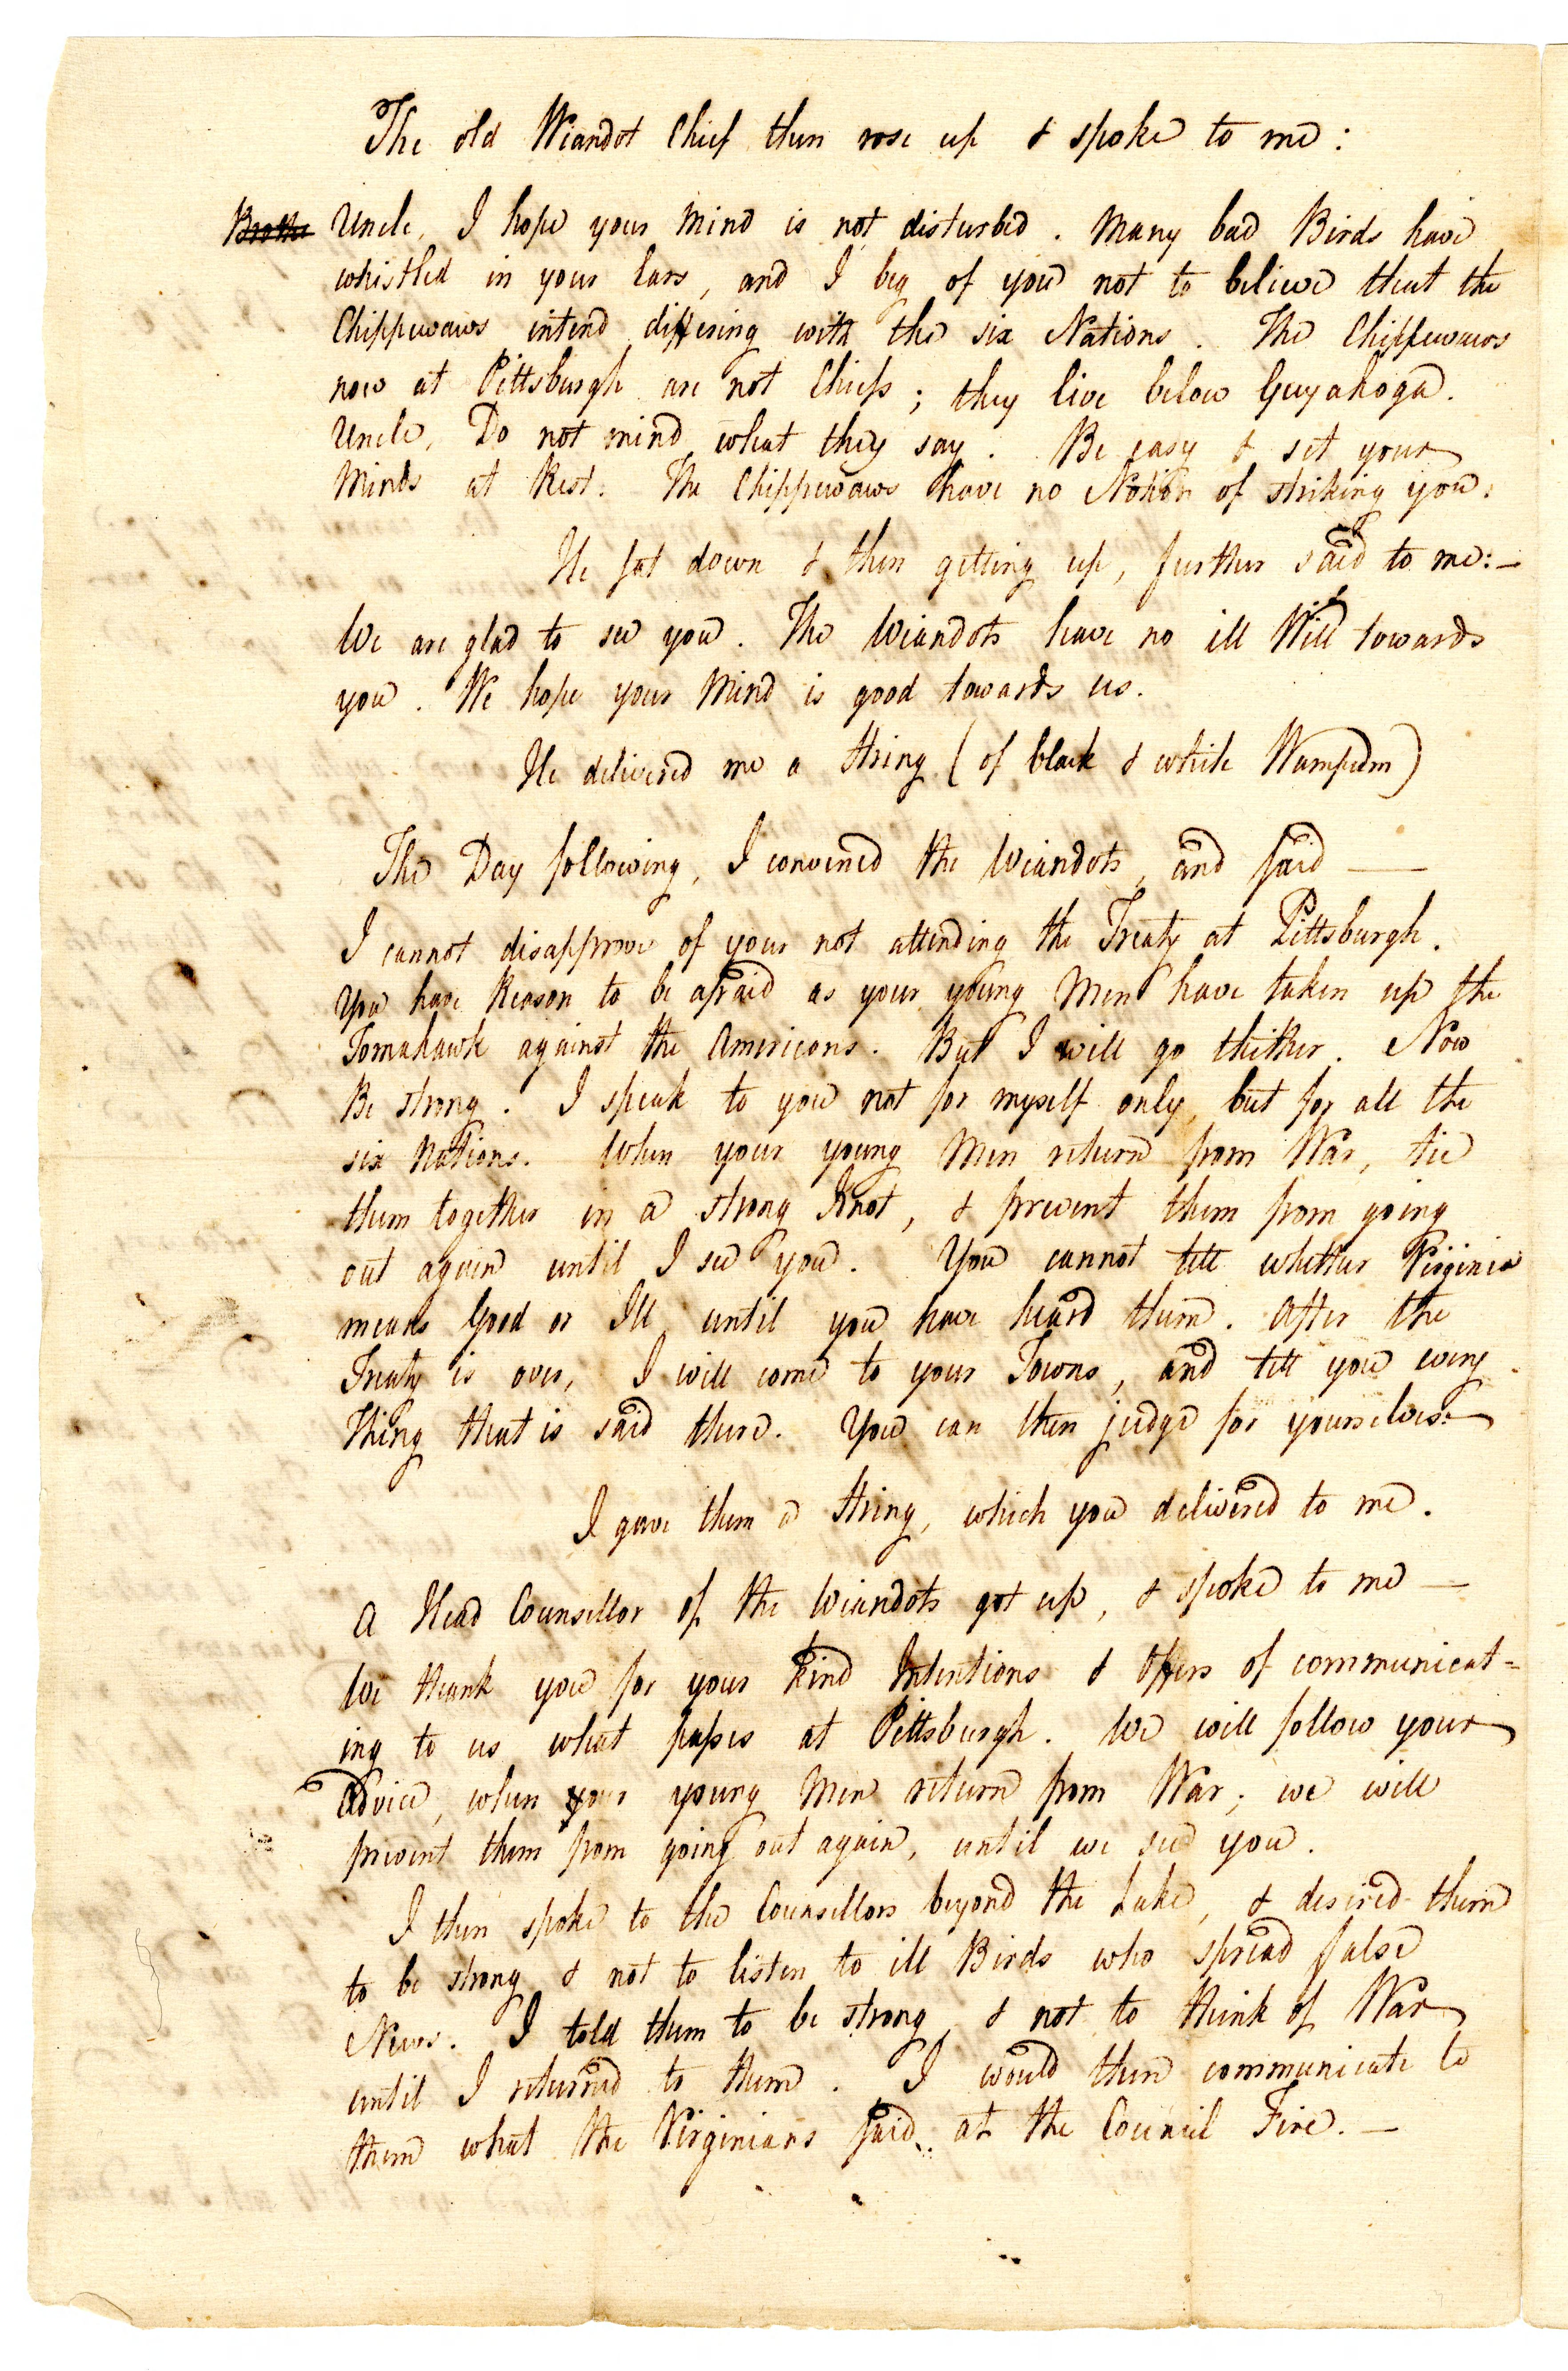The old Wiandot Chief then rose up & spoke to me:
Brother Uncle, I hope your Mind is not disturbed. Many bad Birds have
whistled in your Ears, and I beg of you not to believe that the
Chippewaws intend differing with the six Nations. The Chippewaws
now at Pittsburgh are not Chiefs; they live below Cuyahoga.
Uncle, Do not mind what they say. Be easy & set your
Minds at Rest. The Chippewaws have no Notion of striking you.
He sat down & then getting up, further said to me:-
We are glad to see you. The Wiandots have no ill Will towards
you. We hope your Mind is good towards us.
He delivered me a String (of black & white Wampum)
The Day following, I convened the Wiandots, and said-
I cannot disapprove of your not attending the Treaty at Pittsburgh.
You have Reason to be afraid as your young Men have taken up the
Tomahawk against the Americans. But I will go thither. Now
Be strong. I speak to you not for myself only but for all the
six Nations. When your young men return from War, tie
them together in a strong Knot, & prevent them from going
out again until I see you. You cannot tell whether Virginia
means Good or Ill until you have heard them. After the
Treaty is over, I will come to your Towns, and tell you every
thing that is said there. You can then judge for yourselves.-
I gave them a String, which you delivered to me.
A Head Counsellor of the Wiandots got up, & spoke to me-
We thank you for your kind Intentions & Offers of communicat-
ing to us what passes at Pittsburgh. We will follow your
Advice, when your young Men return from War; we will
prevent them from going out again, until we see you.
I then spoke to the Counsellors beyond the Lake, & desired them
to be strong & not to listen to ill Birds who spread false
News. I told them to be strong, & not to think of War
until I returned to them. I would then communicate to
them what the Virginians said, at the Council Fire.-